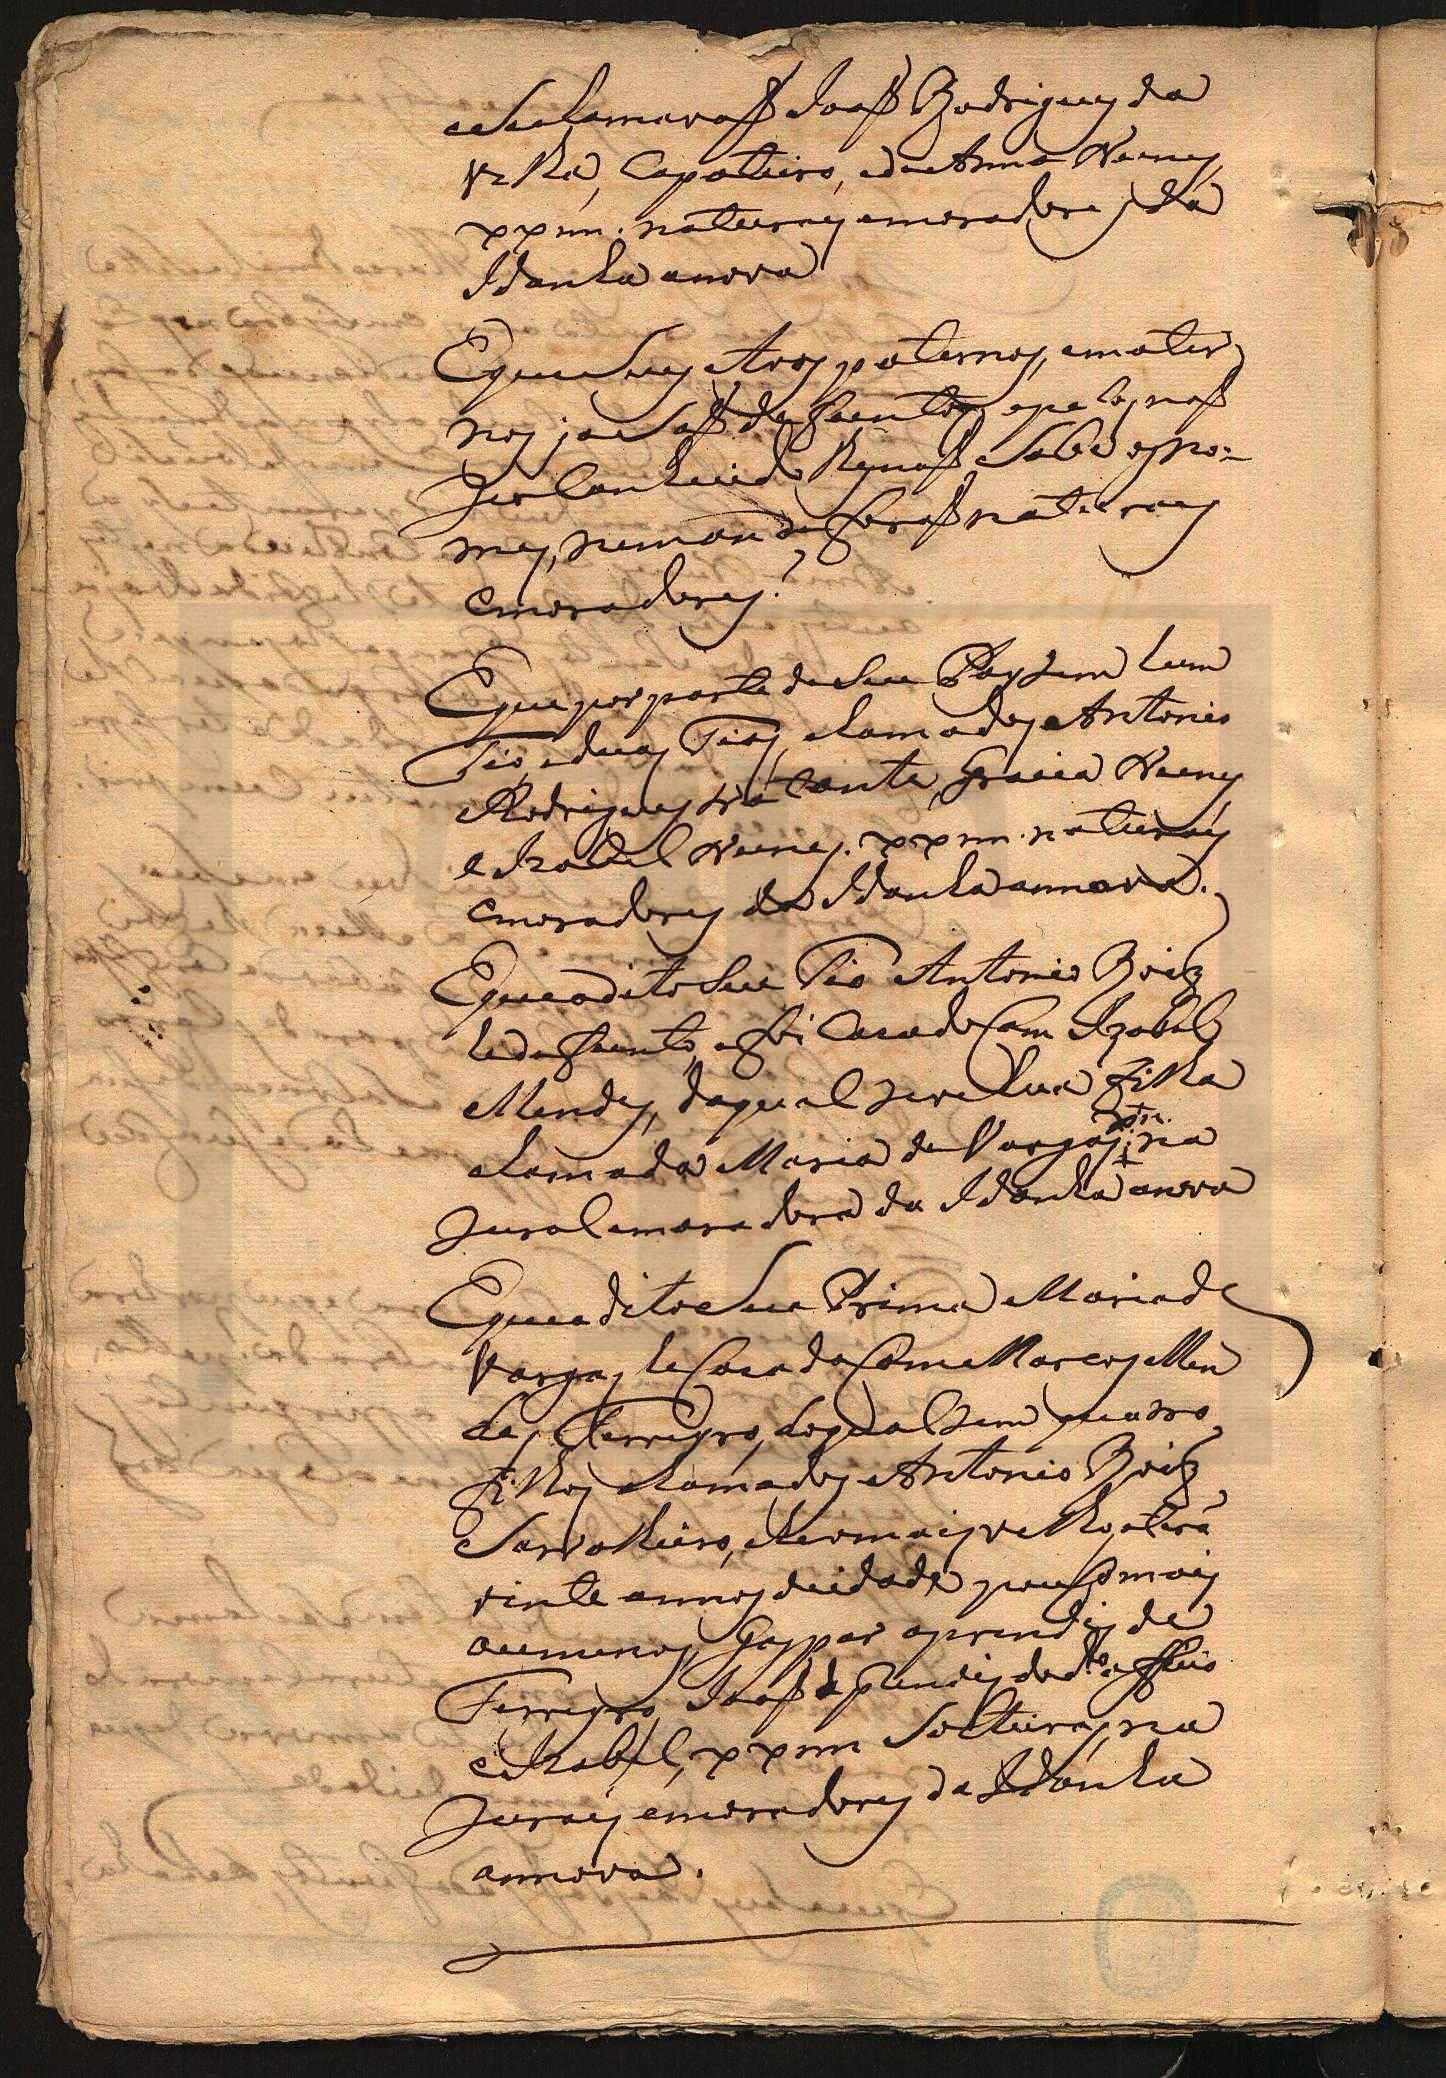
e Se chamavaõ Ioaõ Rodrigues da
velha, Çapateiro, e de Anna Nunes,
xx nn. naturaes e moradores da
Idanha a nova
E que seus Avos paternos, e mater
nos ja Saõ defuntos e pelos naõ
ter Conhecido lhes naõ Sabe os no
mes, nem onde foraõ naturaes
e moradores?
E que por parte de seu Pay tem hum
Tio, e duas Tias, e chamados Antonio
Rodrigues tratante, Gracia Nunes,
e Izabel Nunes xx nn. naturaes
e moradores da Idanha a nnova.
E que o dito Seu Tio Antonio Roiz̄
he defunto, e foi Cazado Com Izabel
Mendes, da qual teve hua filha
chamada Maria de Vargas. x. n. na
tural e moradora da Idanha a nova
E que a dito Sua Prima Maria de
Vargas he Cazada Com Marcos Men
des Ferreyro do qual tem quatro
filhos chamados Antonio Roiz̄
Sarralheiro, e he o mais velho e terá
vinte annos de idade pouCo mais
ou menos, Gaspar aprendis de
Ferreyro, Ioaõ apRendis do d.to officio
e Izabel, xx nn solteiros, na
turais e moradores da Idanha
a nnova.
